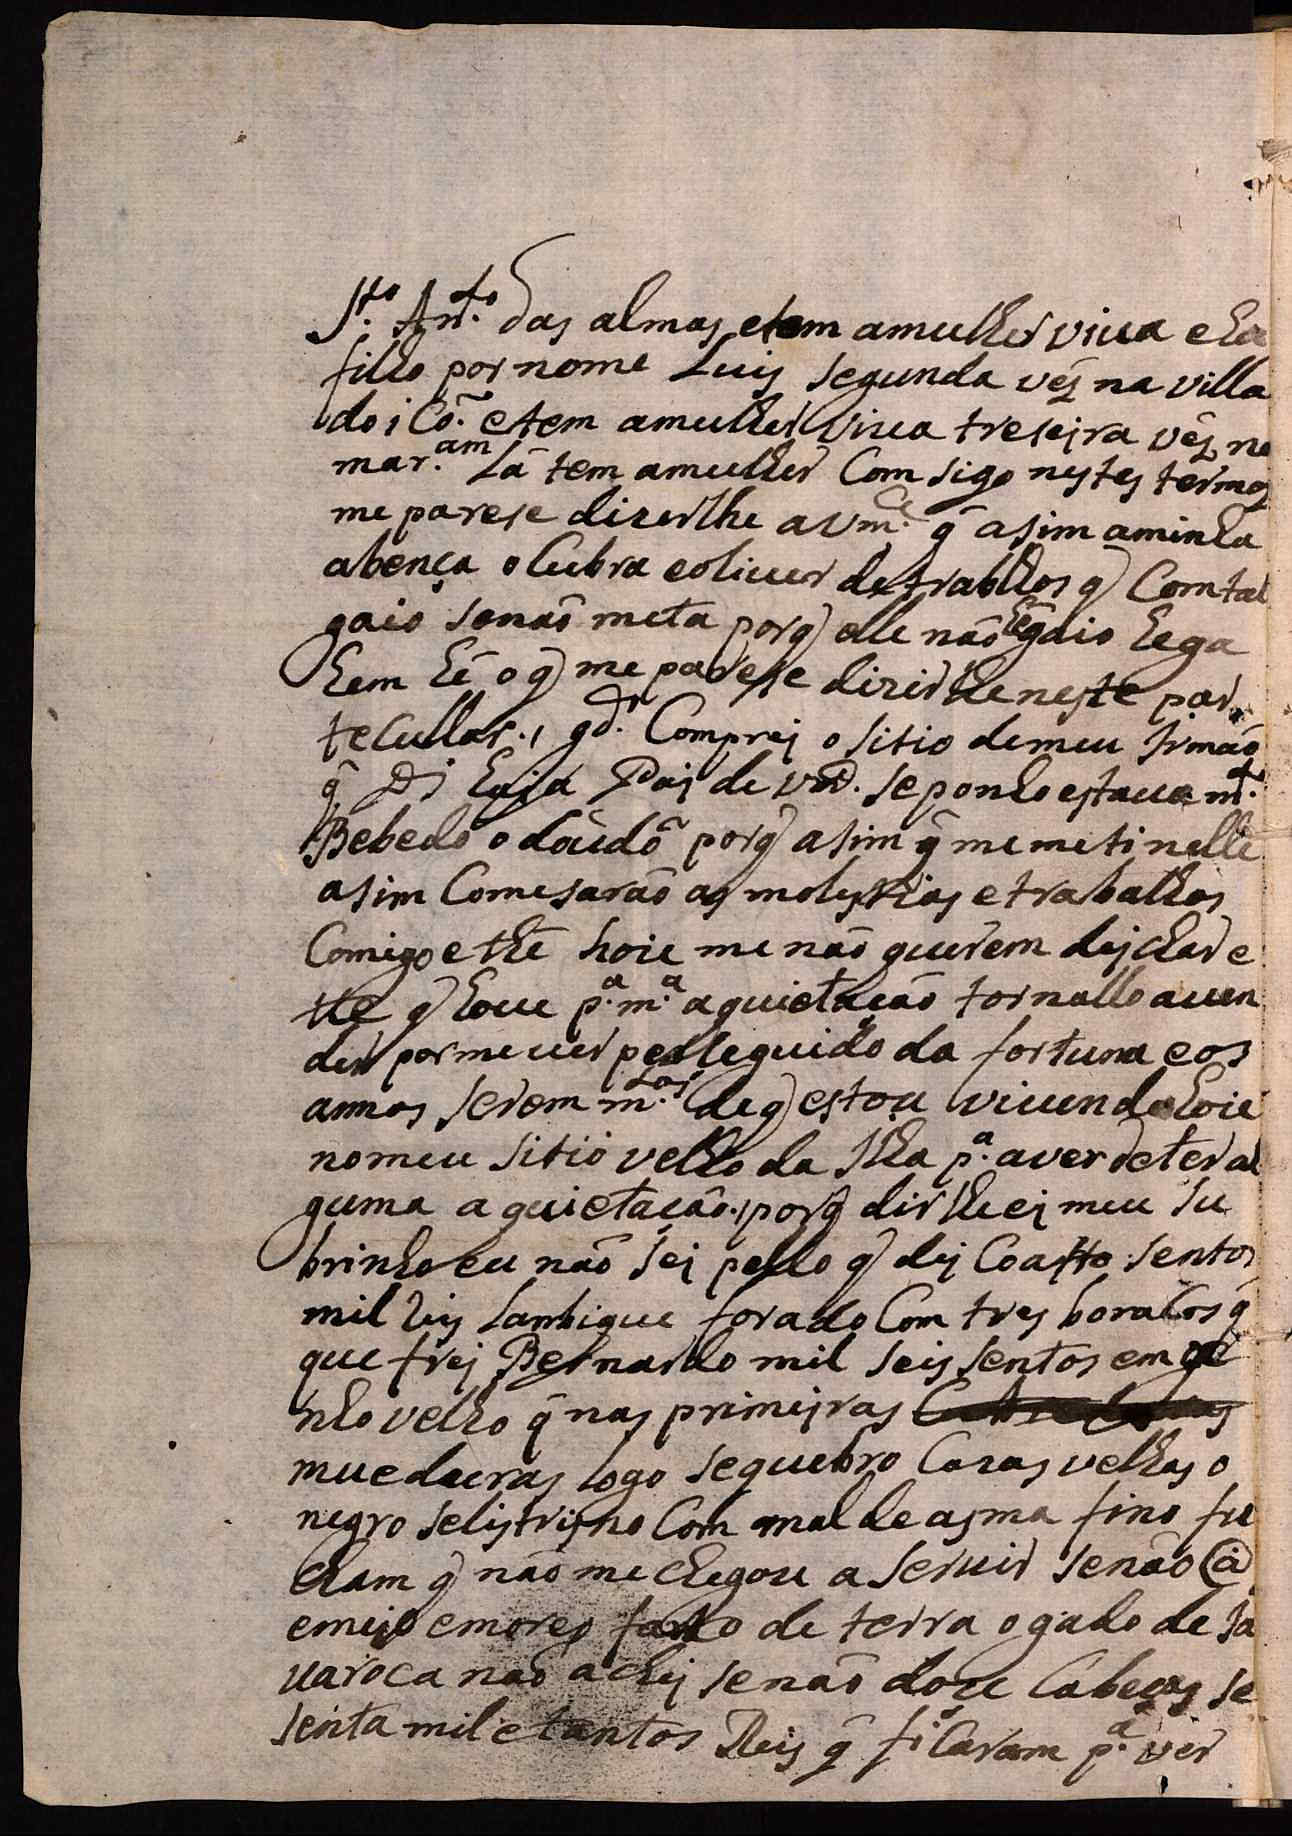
S.to An.to das almas, e tem a mulher viua, e hū
filho por nome Luis segunda véz na villa
do Icõ. e tem a mulher viua tresejra ves no
mar.am Lá tem a mulher Comsigo nestes termos
me parese dizerlhe a vm.ce q̄ asim a minha
abença o Cubra e o liuer de trabalhos q̄ Com tal
gaio senaõ meta porq̄ elle naõ hé gaio he ga
hem hé o q̄ me paresse dizerlhe neste par
teCullar./ qd.o Comprej o sitio de meu Jrmaõ
q̄ Ds̄ haja Pai de vm.ce seponho estaua m.to
Bebedo o doudo porq̄ asim q̄ me meti nelle
asim Comesaraõ as molestias e trabalhos.
Comigo e thé hoie me naõ querem dejchar e
tte q̄ houe p.a m.a aquietaçaõ tornallo a uen
der por me uer perseguido da fortuna e os
annos serem m.tos de q̄ estou viuendo hoie
no meu sitio velho da Ilha p.a aver de ter al
guma aquietaçaõ./ porq̄ dirlheei meu su
brinho eu naõ sei pello q̄ dej Coattosentos
mil Reis Lanbique forado Com tres boraCos q̄
que fres Bernardo mil seissentos emge
nho velho q̄ nas primejras ___
mueduras logo se quebro Cazas velhas o
negro selistryno Com mal de asma fino fu
cham q̄ naõ me chegou a seruir senaõ ā
e meio e moreo tanto de terra o gado de Ia
uaroca naõ achej se naõ doze Cabeças se
senta mil e tantos Reis q̄ fiCaram p.a ver
